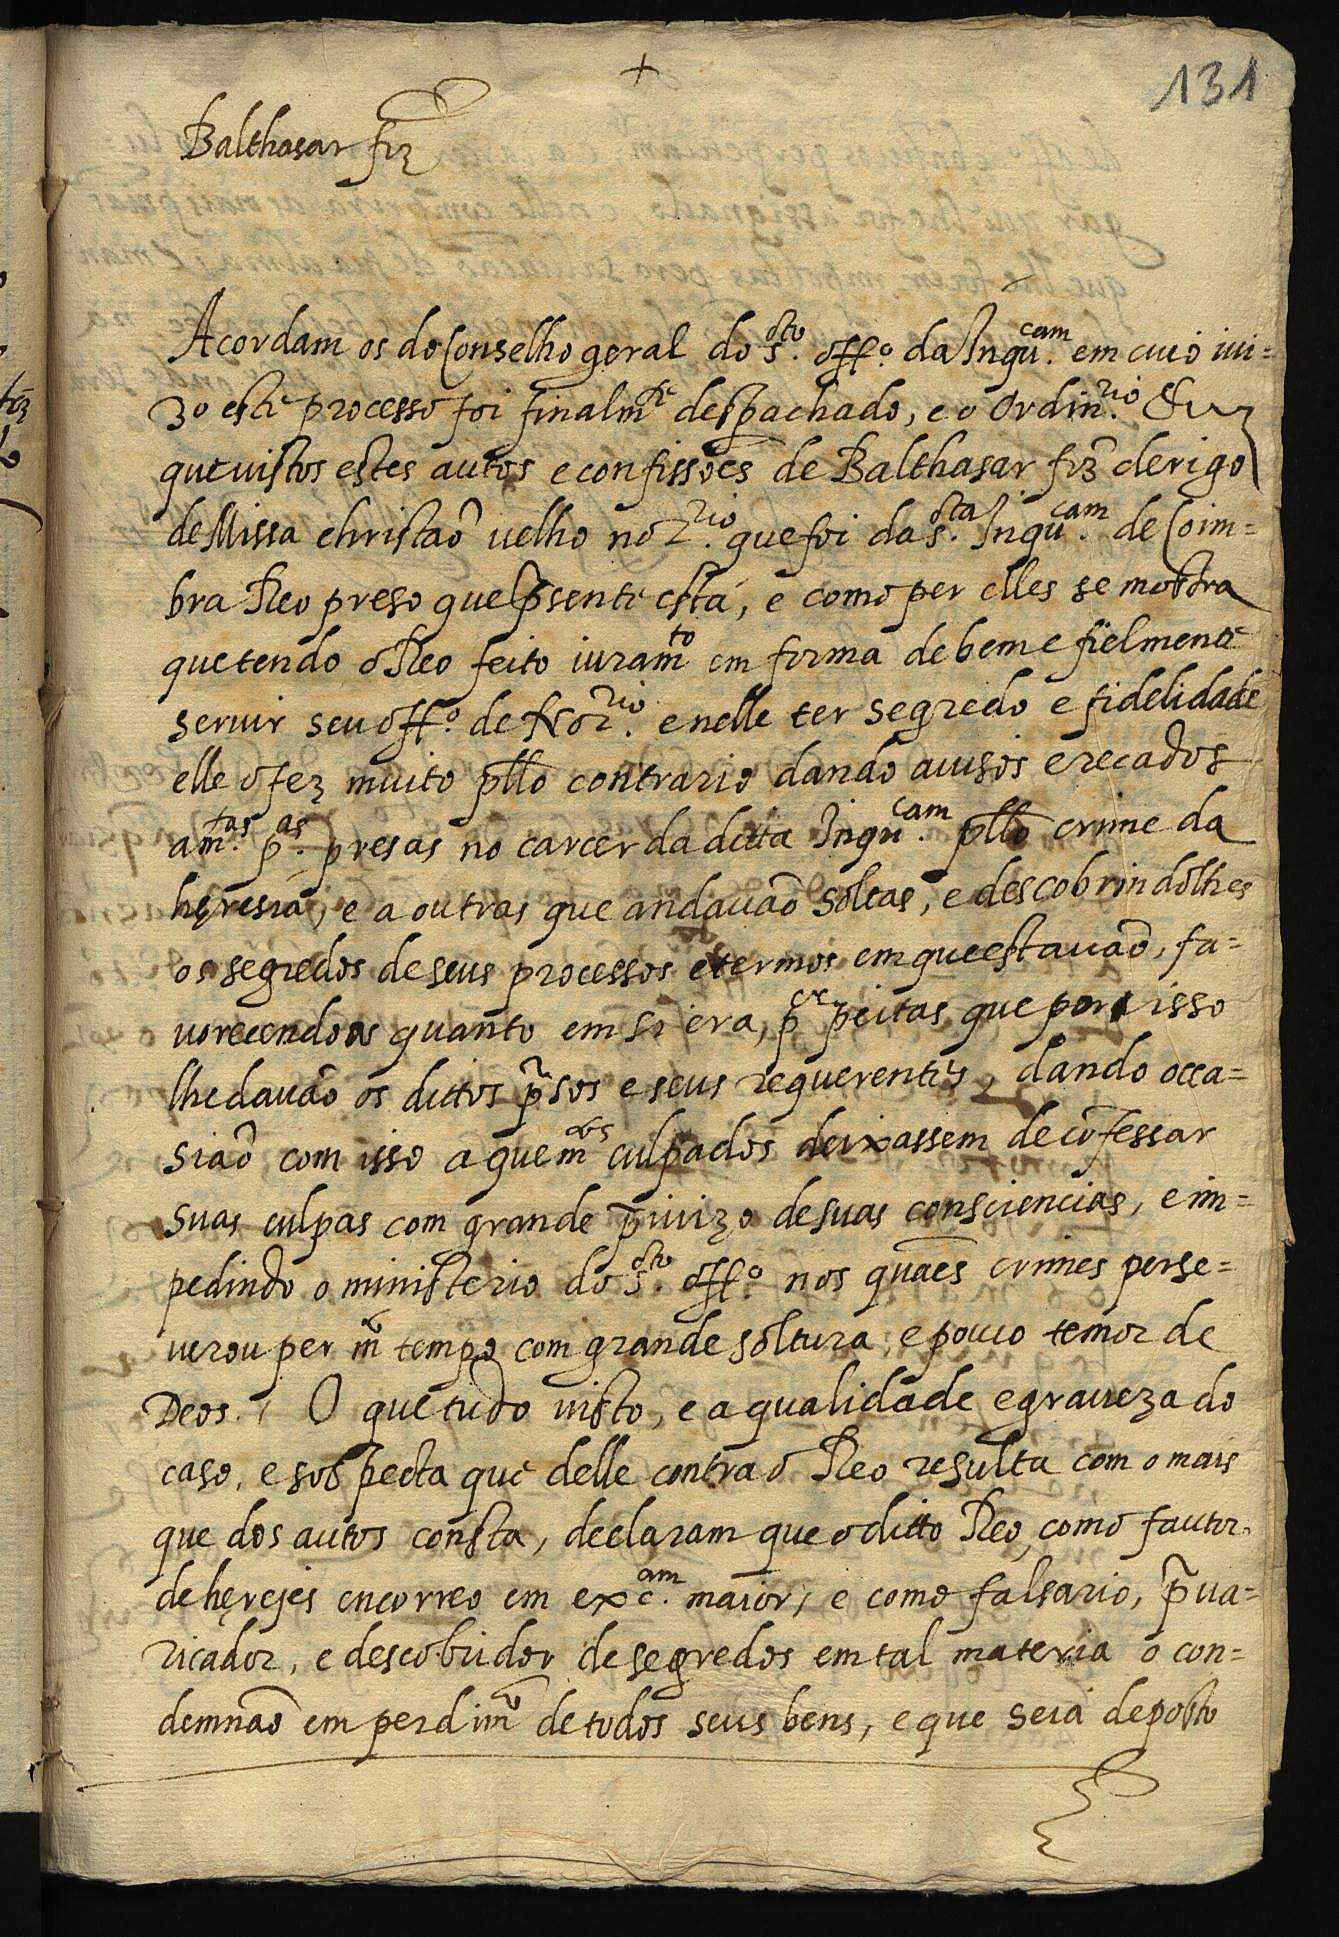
Balthasar frz̄
Acordam os do Conselho geral do scto. off.o da Inqu.çam em cuio iui
zo este processo foi finalmte despachado, e o ordin.rio &
que uistos estes autos e confissões de Balthasar frz̄ clerigo
de Missa christaõ uelho not.rio que foi da s.cta Inqu.çam de Coim
bra Reo preso que p̄sente está, e como per elles se mostra
que tendo o Reo feito iuramto em forma de bem e fielmente
seruir seu off.o de Notrio. e nelle ter segredo e fidelidade
elle o fez muito p̄llo contrario dando auisos e recados
a mtas. pas. presas no carcer da ditta Inqu.çam p̄llo crime da
hEresia, e a outras que andauão soltas, e descobrindolhes
os segredos de seus processos e termos em que estauaõ, fa
uorecendo as quanto em si era, por peitas que por isso
lhe dauão os dittos p̄sos e seus requerentes, dando occa
siaõ com isso a que mtos culpados deixassem de cōfessar
suas culpas com grande p̄iuizo de suas consciencias, e im
pedindo o ministerio do scto. off.o nos qūaes crimes perse
uerou per mto tempo com grande soltura, e pouco temor de
Deos. / O que tudo uisto, e a qualidade e graueza do
caso, e sospecta que delle contra o Reo resulta com o mais
que dos autos consta, declaram que o ditto Reo, como fautor
de herejes encorreo em exc.am maior, e como falsario, p̄ua
ricador, e descobridor de segredos em tal materia o con
demnão em perdimto de todos seus bens, e que seia deposto
